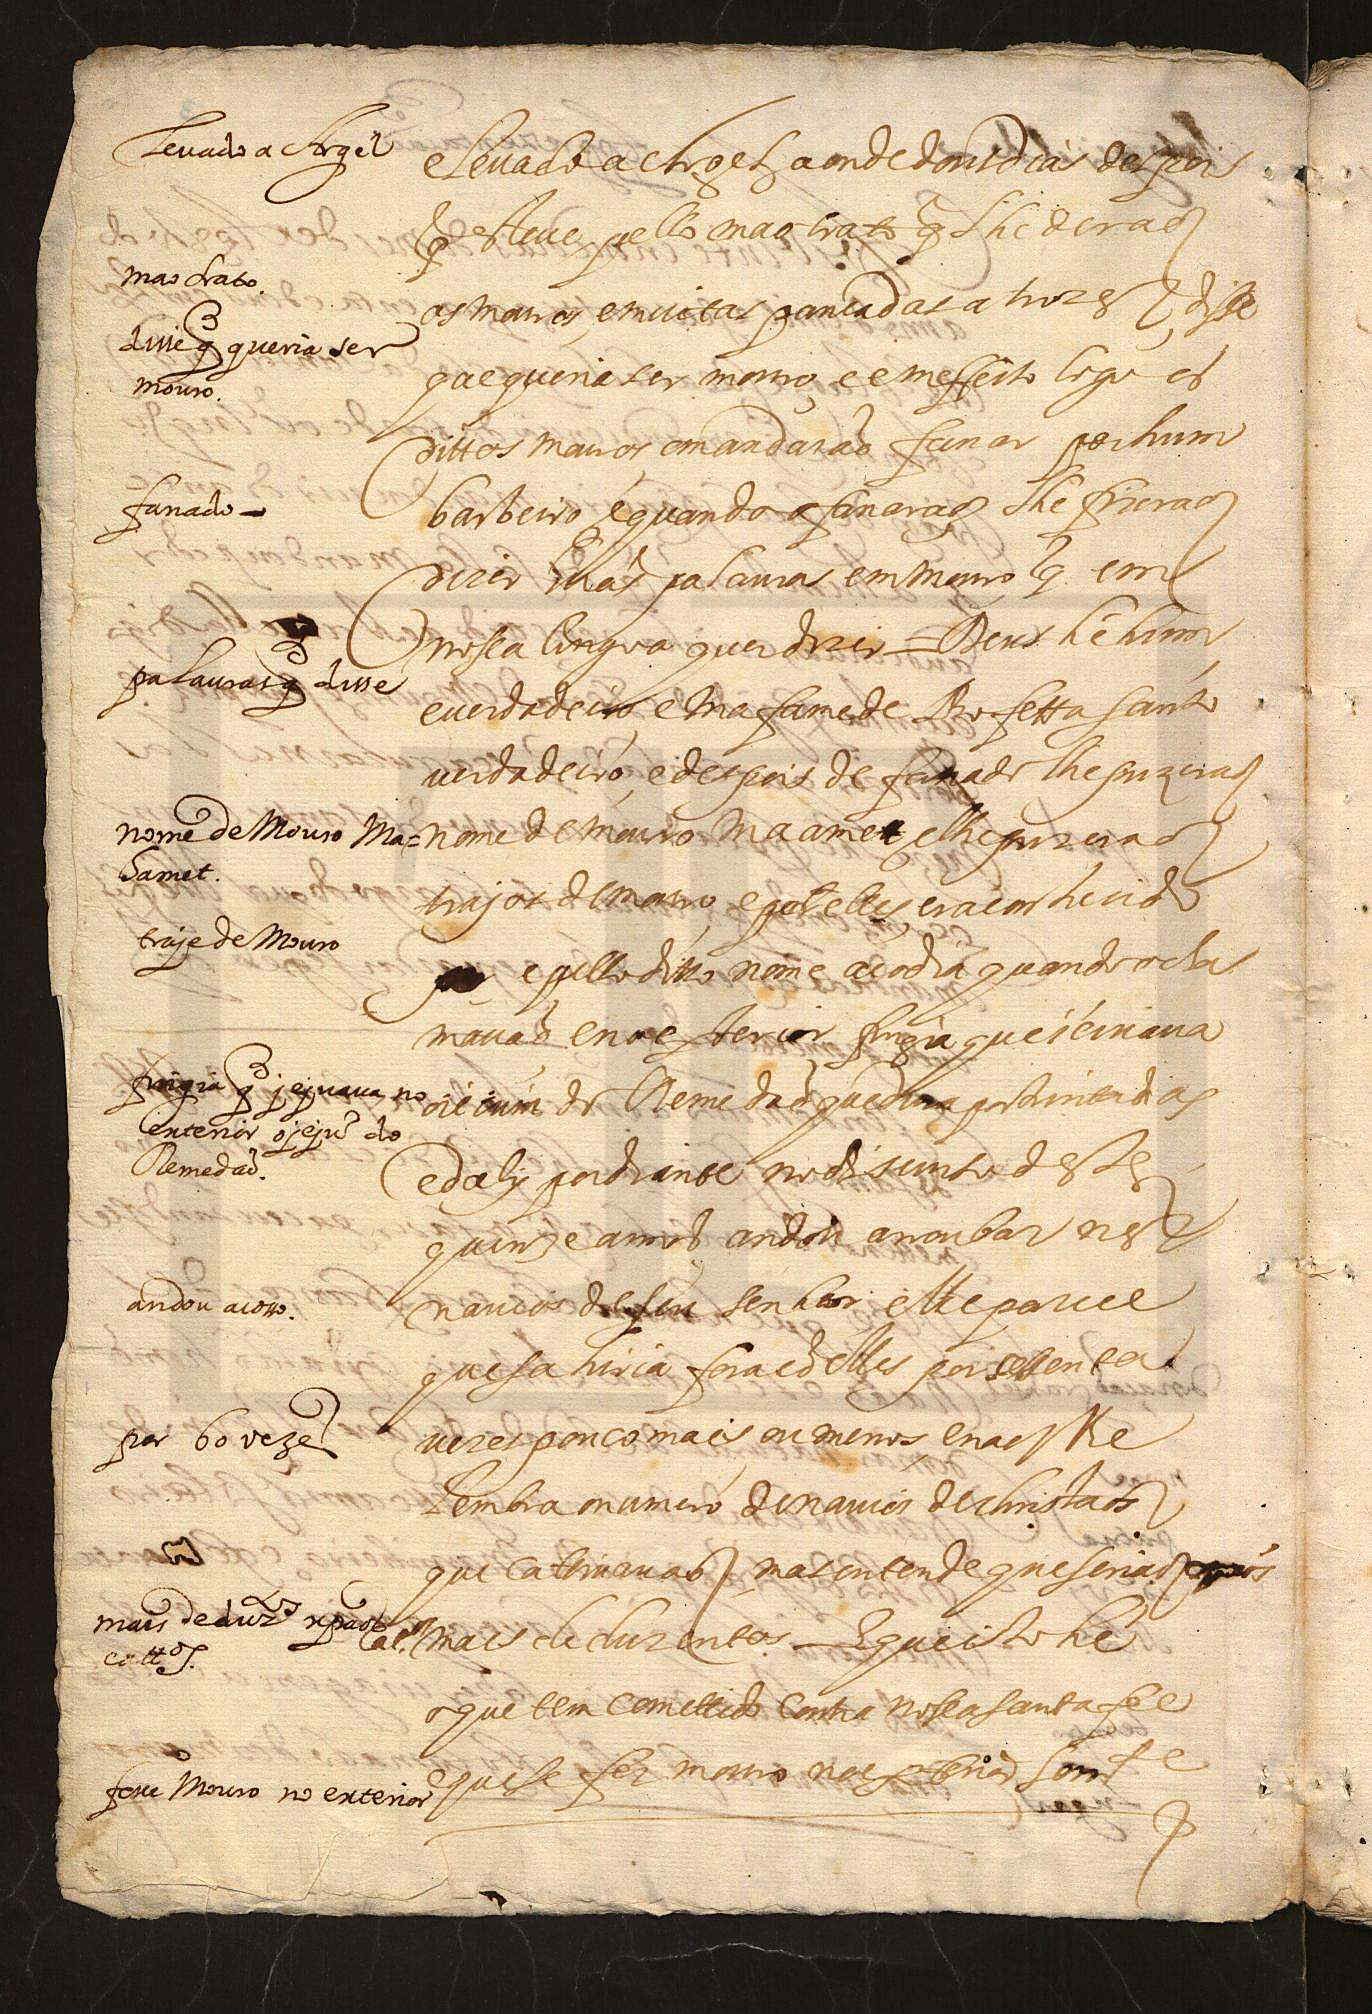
Leuado a Argel
e leuado a Argel aonde dous dias despois
q̄ esteue, pello mao trato q̄ lhe deraõ
mao trato.
os mouros, e muitas pancadas atrozes, disse
disse q̄ queria ser
que queria ser mouro, e em effeito logo os
mouro
dittos mouros o mandaraõ fanar por hum
barbeiro e quando o fanaraõ lhe fizeraõ
fanado -
dizer huās palauras em mouro, q̄ em
nossa lingoa quer dizer = Deus hé hum
palauras q̄ disse
e uerdadeiro e mafamede Profetta santo
uerdadeiro, e despois de fanado lhe puzeraõ
nome de Mouro Ma
nome de mouro maamet e lhe puzeraõ
hamet.
trajos de mouro, e por elles, era conhecido
traje de Mouro
por e pello ditto nome acodia quando o cha
mauaõ e no exterior fingia que ieiuaua
fingia q̄ jejuaua no
o ieium do Remedaõ que dura por trinta dias
exterior o jejū do
e daly por diante no discurso destes
Remedaõ.
quinze annos andou a rroubar nos
nauios de seu senhor e lhe parece
andou a cosso.
que sahiria fora cō elles por sessenta
uezes pouco mais ou menos, e naõ lhe
por 60 vezes
Lembra o numero de nauios de christaõs
que cattiuauaõ mas entende que seriaõ xpaõs
mais de duztos xpãos
cat.os mais de duzentos - E que isto hé
cattos.
o que tem comettido contra nossa santa fee
fesce Mouro no exterior
e que se fez mouro no exterior som.te
